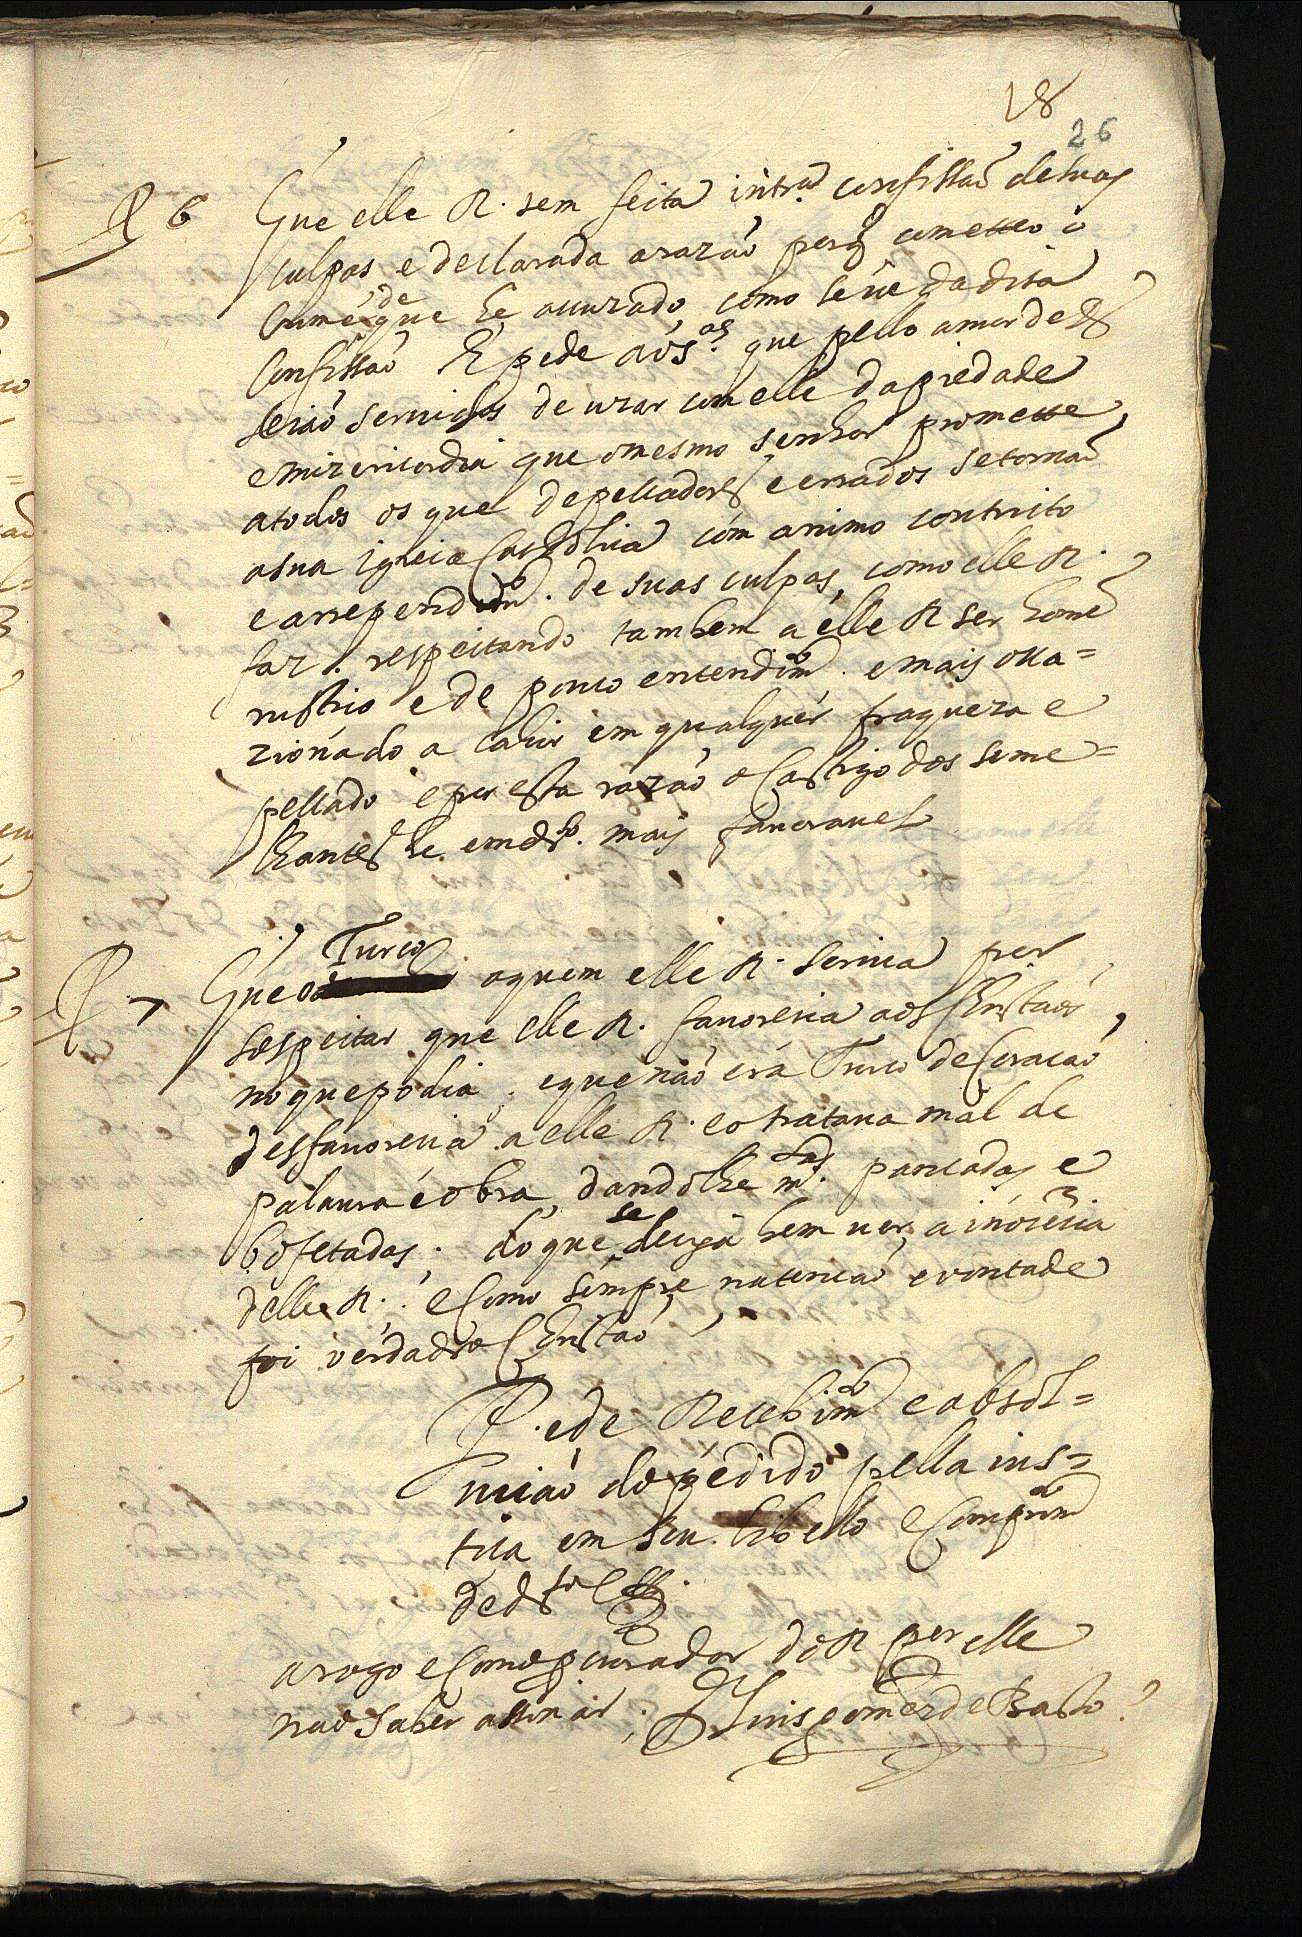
ꝓ 6 Que elle R. tem feita intr.a confissaõ de suas
culpas e declarada a razaõ porq̄ cometteo o
crime
de
que he accuzado, como se uê da dita
confissaõ E pede a v sas. que pello amor de Ds̄
seiaõ seruidos de uzar com elle da piedade
e mizericordia que o mesmo senhor promette
a todos os que de peccadores e criados se tornaõ
a sua igreia Catholica com animo contricto
e arrependimto. de suas culpas, como elle R
faz respeitando tambem a elle R ser homē
rustico, e de pouco entendimto, e mais occa
zionado a cahir em qualquer fraqueza e
peccado, e por esta razaõ o Castigo dos seme
lhantes he em drto. mais fauoraueL
ꝓ 7 Que o _
Turco
a quem elle R. seruia per
sospeitar que elle R. fauoresia aos Christaõs
no que podia, e que naõ era Turco de Coraçaõ
desfauoresia a elle R. e o trataua mal de
palaura e obra, dandolhe mtas. pancadas e
bofetadas; do que, se deuja bem uer a inocēcia
delle R., e Como sempre na tencaõ e vontade
foi verdadro Christaõ
Pede Recebimto e absol
uiçaõ do pedido pella ius
tiça em seu libello e Comprimto
de Ista ett̄.
a rogo e Como ꝓcurador do R per elle
nao saber assinar;
